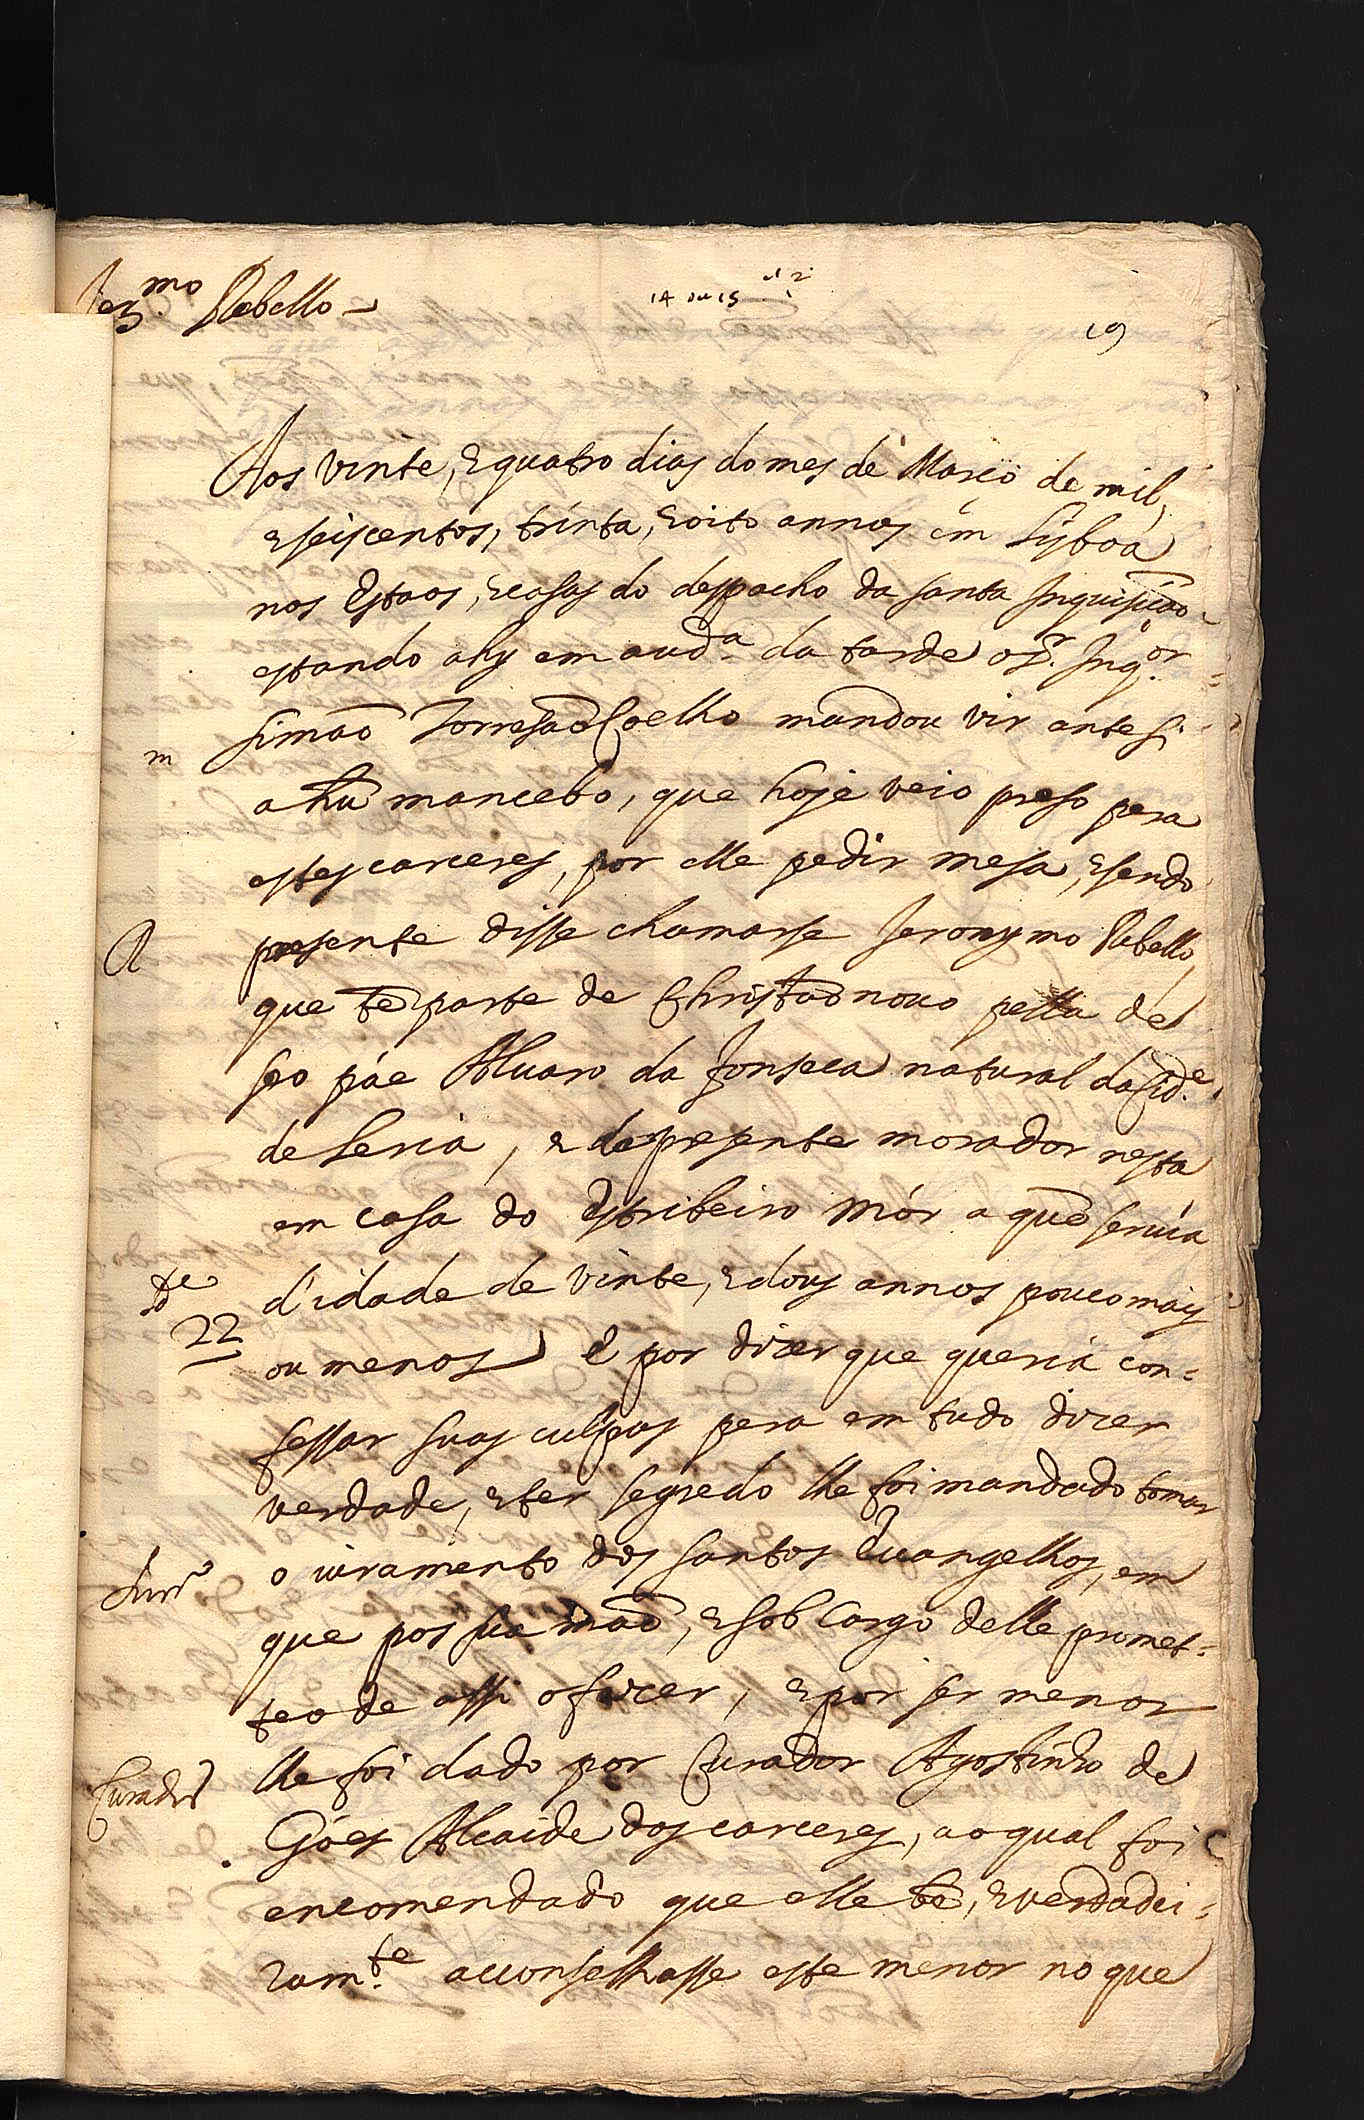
Aos vinte, E quatro dias do mes de Março de mil,
E seiscentos, trinta, E oito annos em Lisboa
nos Estaos, E casas do despacho da Santa Jnquisição
estando ahy em auda. da tarde o s.r Jnq.or
Simão Torresão Coelho mandou vir ante si
a h̄u mancebo, que hoje veio preso pera
estes carceres, por elle pedir mesa, E sendo
presente disse chamarse Jeronymo Rebello
que t̄e parte de Christão nouo pella de
seo páe Aluaro da fonseca natural da Cid.e
de Leria, E de presente morador nesta
em casa do Estribeiro mór a qūe seruia
d'idade de vinte, E dous annos pouco mais
ou menos E por dizer que queria con
fessar suas culpas pera em tudo dizer
verdade, E ter segredo lhe foi mandado tomar
o iuramento dos Santos Euangelhos, em
que pos sua mão, E sob cargo delle promet
teo de assi o fazer, E por ser menor
lhe foi dado por Curador Agostinho de
Góes Alcaide dos carceres, ao qual foi
encomendado que elle b̄e, E verdadei
ram.te accomselhasse este menor no que
